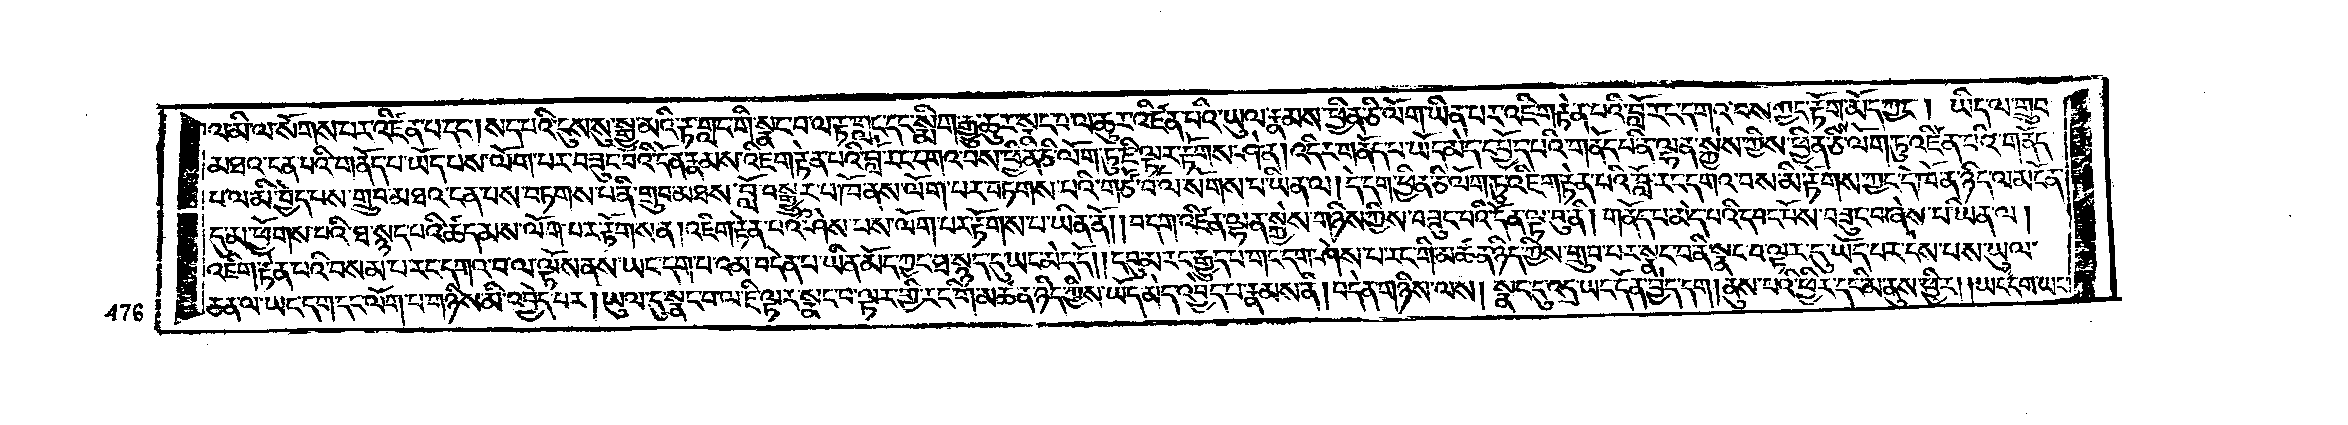ལ་མི་ལ་སོགས་པར་འཛིན་པ་དང་། སད་པའི་དུས་སུ་སྒྱུ་མའི་རྟ་གླང་གི་སྣང་བ་ལ་རྟ་གླང་དང་སྨིག་རྒྱུ་ཆུར་སྣང་བ་ལ་ཆུར་འཛིན་པའི་ཡུལ་རྣམས་ཕྱིན་ཅི་ལོག་ཡིན་པར་འཇིག་རྟེན་པའི་བློ་རང་དགའ་བས་ཀྱང་རྟོག་མོད་ཀྱང་། ཡིད་ལ་གྲུབ་
མཐའ་ངན་པའི་གནོད་པ་ཡོད་པས་ལོག་པར་བཟུང་བའི་དོན་རྣམས་འཇིག་རྟེན་པའི་བློ་རང་དགའ་བས་ཕྱིན་ཅི་ལོག་ཏུ་ཇི་ལྟར་རྟོགས་ཤེ་ན། འདིར་གནོད་པ་ཡོད་མེད་དཔྱོད་པའི་གནོད་པ་ནི་ལྷན་སྐྱེས་ཀྱིས་ཕྱིན་ཅི་ལོག་ཏུ་འཛིན་པའི་གནོད་
པ་ལ་མི་བྱེད་པས་གྲུབ་མཐའ་ངན་པས་བཏགས་པ་ནི་གྲུབ་མཐས་བློ་བསྒྱུར་བ་ཁོ་ནས་ལོག་པར་བཏགས་པའི་གཙོ་བོ་ལ་སོགས་པ་ཡིན་ལ། དེ་དག་ཕྱིན་ཅི་ལོག་ཏུ་འཇིག་རྟེན་པའི་བློ་རང་དགའ་བས་མི་རྟོགས་ཀྱང་དེ་ཁོ་ན་ཉིད་ལ་མངོན་
དུ་མ་ཕྱོགས་པའི་ཐ་སྙད་པའི་ཚད་མས་ལོག་པར་རྟོགས་ན། འཇིག་རྟེན་པའི་ཤེས་པས་ལོག་པར་རྟོགས་པ་ཡིན་ནོ། །བདག་འཛིན་ལྷན་སྐྱེས་གཉིས་ཀྱིས་བཟུང་བའི་དོན་ལྟ་བུ་ནི། གནོད་པ་མེད་པའི་དབང་པོས་བཟུང་བ་ཞེས་པ་ཡིན་ལ།
འཇིག་རྟེན་པའི་བསམ་པ་རང་དགའ་བ་ལ་ལྟོས་ནས་ཡང་དག་པའམ་བདེན་པ་ཡིན་མོད་ཀྱང་ཐ་སྙད་དུ་ཡང་མེད་དོ། །དབུ་མ་རང་རྒྱུད་པ་གང་དག་ཤེས་པ་རང་གི་མཚན་ཉིད་ཀྱིས་གྲུབ་པར་སྣང་བ་ནི་སྣང་བ་ལྟར་དུ་ཡོད་པར་ངེས་པས་ཡུལ་
ཅན་ལ་ཡང་དག་དང་ལོག་པ་གཉིས་མི་འབྱེད་པར། ཡུལ་དུ་སྣང་བ་ལ་ཇི་ལྟར་སྣང་བ་ལྟར་གྱི་རང་གི་མཚན་ཉིད་ཀྱིས་ཡོད་མེད་འབྱེད་པ་རྣམས་ནི། བདེན་གཉིས་ལས། སྣང་དུ་འདྲ་ཡང་དོན་བྱེད་དག། ནུས་པའི་ཕྱིར་དང་མི་ནུས་ཕྱིར། །ཡང་དག་ཡང་